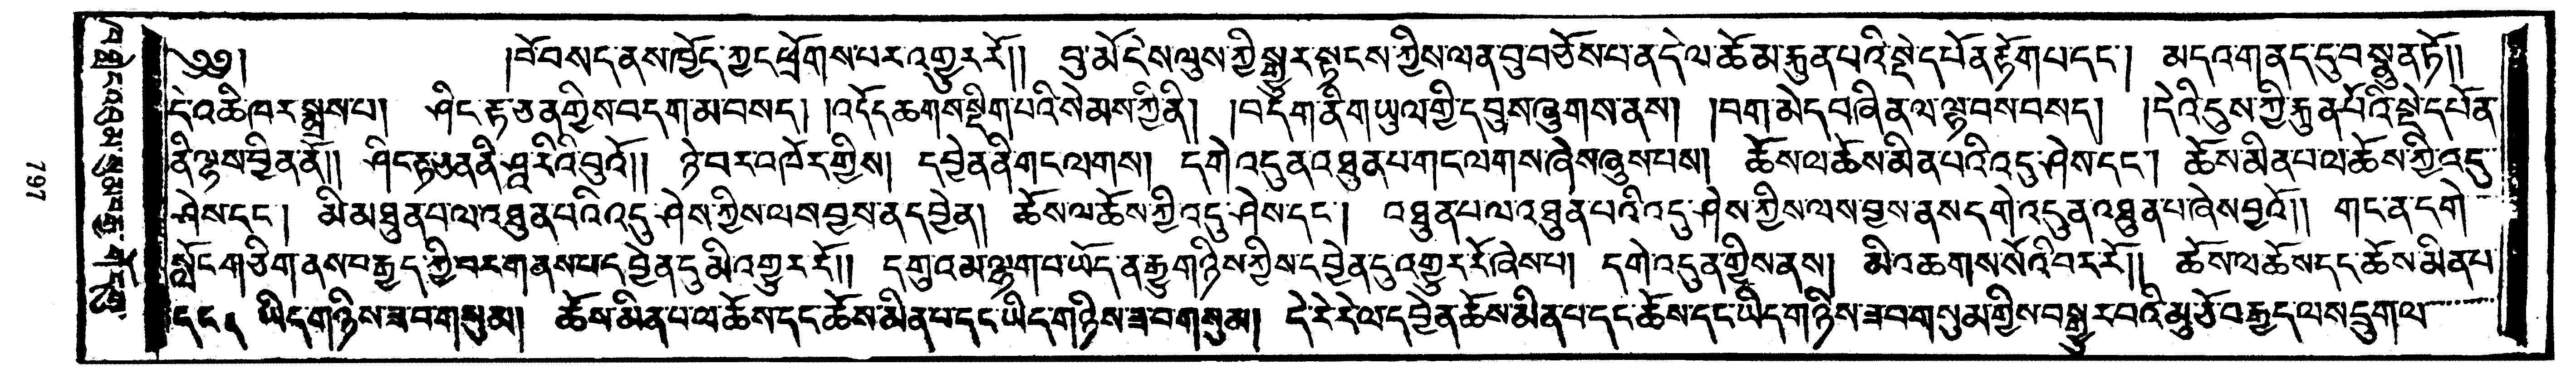༄༅། །བོ་བསད་ནས་ཁྱོད་ཀྱང་ཕྲོགས་པར་འགྱུར་རོ།། བུ་མོ་ངེས་ལུས་ཀྱི་སྒྱུར་སྟངས་ཀྱིས་ལན་བུ་བཅོས་པ་ན་དེ་ལ་ཆོམ་རྐུན་པའི་སྡེ་དཔོན་རྟོག་པ་དང་། མདའ་གནད་དུ་བསྣུན་ཏོ།།
དེ་འཆི་ཁར་སྨྲས་པ། ཤིང་རྟ་ཅན་གྱིས་བདག་མ་བསད། །འདོད་ཆགས་སྡིག་པའི་སེམས་ཀྱི་ནི། །བདག་ནི་གཡུལ་གྱི་དབུས་ཞུགས་ནས། །བག་མེད་བཞིན་ལ་ལྟ་བས་བསད། །དེའི་དུས་ཀྱི་རྐུན་པོའི་སྡེ་དཔོན་
ནི་ལྷས་བྱིན་ནོ།། ཤིང་རྟ་ཅན་ནི་ཤཱ་རིའི་བུའོ།། ཉེ་བར་འཁོར་གྱིས། དབྱེན་ནི་གང་ལགས། དགེ་འདུན་འཐུན་པ་གང་ལགས་ཞེས་ཞུས་པས། ཆོས་ལ་ཆོས་མིན་པའི་འདུ་ཤེས་དང་། ཆོས་མིན་པ་ལ་ཆོས་ཀྱི་འདུ་
ཤེས་དང་། མི་མཐུན་པ་ལ་འཐུན་པའི་འདུ་ཤེས་ཀྱིས་ལས་བྱས་ནད་དབྱེ་ན། ཆོས་ལ་ཆོས་ཀྱི་འདུ་ཤེས་དང་། འཐུན་པ་ལ་འཐུན་པའི་འདུ་ཤེས་ཀྱིས་ལས་བྱས་ནས་དགེ་འདུན་འཐུན་པ་ཞེས་བྱའོ།། གང་ན་དགེ་
སློང་གཅིག་ནས་བརྒྱད་ཀྱི་བར་གནས་པ་དབྱེན་དུ་མི་འགྱུར་རོ།། དགུ་འམ་ལྷག་པ་ཡོད་ན་རྒྱུ་གཉིས་ཀྱིས་དབྱེན་དུ་འགྱུར་རོ་ཞེས་པ། དགེ་འདུན་གྱིས་ནས། མི་འཆགས་སོའི་བར་རོ།། ཆོས་ལ་ཆོས་དད་ཆོས་མིན་པ་
དང༑ ཡིད་གཉིས་ཟ་བ་གསུམ། ཆོས་མིན་པ་ལ་ཆོས་དང་ཆོས་མིན་པ་དང་ཡིད་གཉིས་ཟ་བ་གསུམ། དེ་རེ་རེ་ལ་དབྱེ་ན་ཆོས་མིན་པ་དང་ཆོས་དང་ཡིད་གཉིས་ཟ་བ་གསུམ་གྱིས་བསྒྱུར་བའི་མུ་ཅོ་བརྒྱད་ལས་དྲུག་ལ་